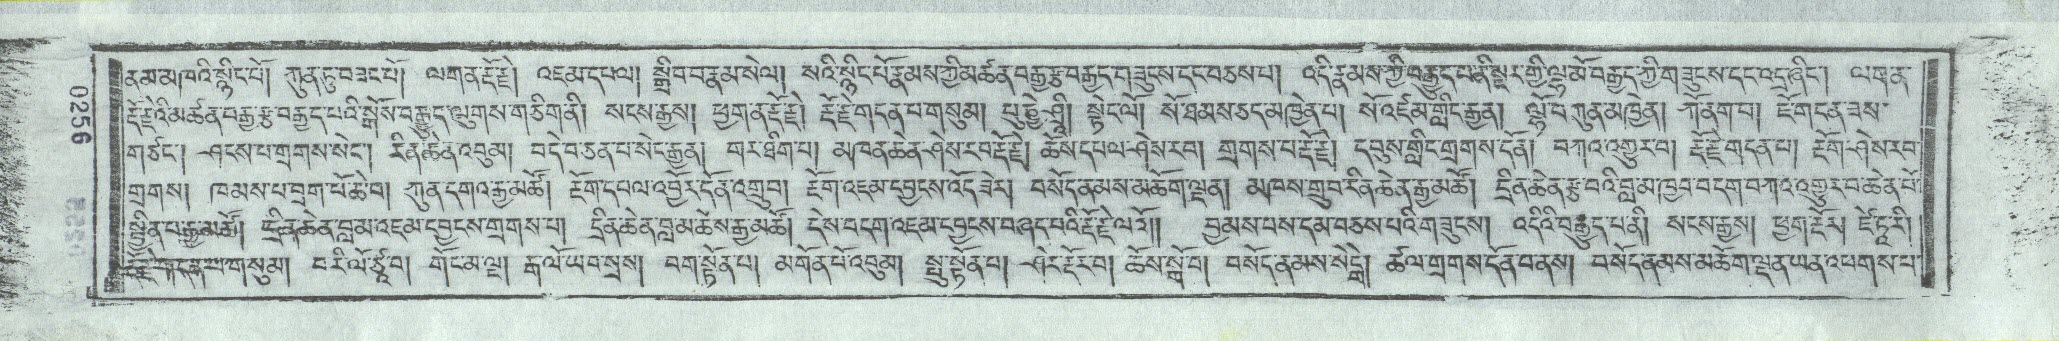ན་མ་མཁའི་སྙིང་པོ། ཀུན་ཏུ་བཟང་པོ། ལག་ན་རྡོ་རྗེ། འཇམ་དཔལ། སྒྲིབ་པ་རྣམ་སེལ། སའི་སྙིང་པོ་རྣམས་ཀྱི་མཚན་བརྒྱ་རྩ་བརྒྱ་རྩ་བརྒྱད་གཟུགས་དང་བཅས་པ། འདི་རྣམས་ཀྱི་བརྒྱུད་པ་ནི་སྔར་གྱི་ལྷ་མོ་བརྒྱད་ཀྱི་གཟུང་དང་འདྲ་ཞིང་། ལག་ན་
རྡོ་རྗེ་མཚན་བརྒྱ་རྩ་བརྒྱད་པའི་སོགས་བརྒྱུད་ལུགས་གཅིག་ནི། སངས་རྒྱས། ཕྱག་ན་རྡོ་རྗེ། རྡོ་རྗེ་གདན་པ་གསུམ། པུཎྱེ་ཤྲཱི། སྟེང་ལོ། སོ་ཐམས་ཅད་མཁྱེན་པ། སོ་འཛམ་གླིང་རྒྱན། ལྷོ་བ་ཀུན་མཁྱེན། ཀོ་ནག་པ། ཇོ་གདན་ཟས་
གཙང་། ཤངས་པ་གྲགས་སེང་། རིན་ཆེན་འབུམ། བདེ་བ་ཅན་པ་སེང་རྒྱན། གར་ཐིག་པ། མཁན་ཆེན་ཤེས་རབ་རྡོ་རྗེ། ཆོས་དཔལ་ཤེས་རབ། གྲགས་པ་རྡོ་རྗེ། དབུས་གླིང་གྲགས་དོན། བཀའ་འགྱུར་བ། རྡོ་རྗེ་གདན་པ། རྡོག་ཤེས་རབ་
གྲགས། ཁམས་པ་བྲག་པོ་ཆེ་བ། ཀུན་དགའ་རྒྱ་མཚོ། །རྡོག་དཔལ་འབྱོར་དོན་འགྲུབ། རྡོག་འཇམ་དབྱངས་འོད་ཟེར། བསོད་ནམས་མཆོག་ལྡན། མཁས་གྲུབ་རིན་ཆེན་རྒྱ་མཚོ། དྲིན་ཆེན་རྩ་བའི་བླ་མ་ཁྱབ་བདག་བཀའ་འགྱུར་བ་ཆེན་པོ་
སྦྱིན་པ་རྒྱ་མཚོ། དྲིན་ཆེན་བླ་མ་འཇམ་དབྱངས་གྲགས་པ། དྲིན་ཆེན་བླ་མ་ཆོས་རྒྱ་མཚོ། དེས་བདག་འཇམ་དབྱངས་བཞད་པའི་རྡོ་རྗེ་ལའོ།། བྱམས་པས་དམ་བཅས་པའི་གཟུངས། འདིའི་བརྒྱུད་པ་ནི། སངས་རྒྱས། ཕྱག་རྡོར། ཛེ་ཏཱ་རི།
རྡོ་རྗེ་གདན་པ་གསུམ། བ་རི་ལོ་ཙཱ་བ། གོང་མ་ལྔ། རྒ་ལོ་ཡབ་སྲས། བག་སྟོན་པ། མགོན་པོ་འབུམ། སྤུ་སྟོན་པ། ཤེར་རྡོར་བ། ཆོས་སྒོ་བ། བསོད་ནམས་སེངྒེ། ཚལ་གྲགས་དོན་པ་ནས། བསོད་ནམས་མཆོག་ལྡན་ཡང་འཕགས་པ།